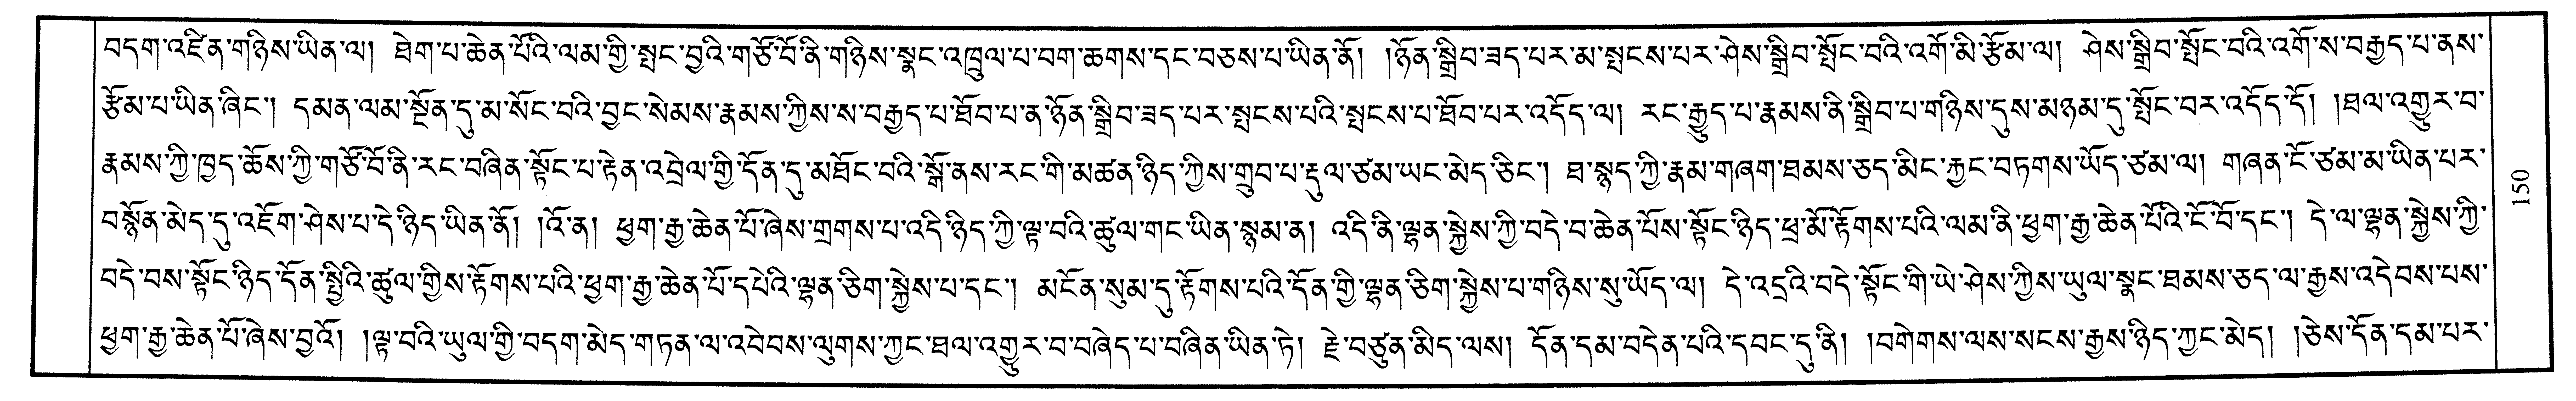བདག་འཛིན་གཉིས་ཡིན་ལ། ཐེག་པ་ཆེན་པོའི་ལམ་གྱི་སྤང་བྱའི་གཙོ་བོ་ནི་གཉིས་སྣང་འཁྲུལ་པ་བག་ཆགས་དང་བཅས་པ་ཡིན་ནོ། །ཉོན་སྒྲིབ་ཟད་པར་མ་སྤངས་པར་ཤེས་སྒྲིབ་སྤོང་བའི་འགོ་མི་རྩོམ་ལ། ཤེས་སྒྲིབ་སྤོང་བའི་འགོ་ས་བརྒྱད་པ་ནས་
རྩོམ་པ་ཡིན་ཞིང་། དམན་ལམ་སྔོན་དུ་མ་སོང་བའི་བྱང་སེམས་རྣམས་ཀྱིས་ས་བརྒྱད་པ་ཐོབ་པ་ན་ཉོན་སྒྲིབ་ཟད་པར་སྤངས་པའི་སྤངས་པ་ཐོབ་པར་འདོད་ལ། རང་རྒྱུད་པ་རྣམས་ནི་སྒྲིབ་པ་གཉིས་དུས་མཉམ་དུ་སྤོང་བར་འདོད་དོ། །ཐལ་འགྱུར་བ་
རྣམས་ཀྱི་ཁྱད་ཆོས་ཀྱི་གཙོ་བོ་ནི་རང་བཞིན་སྟོང་པ་རྟེན་འབྲེལ་གྱི་དོན་དུ་མཐོང་བའི་སྒོ་ནས་རང་གི་མཚན་ཉིད་ཀྱིས་གྲུབ་པ་རྡུལ་ཙམ་ཡང་མེད་ཅིང་། ཐ་སྙད་ཀྱི་རྣམ་གཞག་ཐམས་ཅད་མིང་རྐྱང་བཏགས་ཡོད་ཙམ་ལ། གཞན་ངོ་ཙམ་མ་ཡིན་པར་
བསྙོན་མེད་དུ་འཇོག་ཤེས་པ་དེ་ཉིད་ཡིན་ནོ། །འོ་ན། ཕྱག་རྒྱ་ཆེན་པོ་ཞེས་གྲགས་པ་འདི་ཉིད་ཀྱི་ལྟ་བའི་ཚུལ་གང་ཡིན་སྙམ་ན། འདི་ནི་ལྷན་སྐྱེས་ཀྱི་བདེ་བ་ཆེན་པོས་སྟོང་ཉིད་ཕྲ་མོ་རྟོགས་པའི་ལམ་ནི་ཕྱག་རྒྱ་ཆེན་པོའི་ངོ་བོ་དང་། དེ་ལ་ལྷན་སྐྱེས་ཀྱི་
བདེ་བས་སྟོང་ཉིད་དོན་སྤྱིའི་ཚུལ་གྱིས་རྟོགས་པའི་ཕྱག་རྒྱ་ཆེན་པོ་དཔེའི་ལྷན་ཅིག་སྐྱེས་པ་དང་། མངོན་སུམ་དུ་རྟོགས་པའི་དོན་གྱི་ལྷན་ཅིག་སྐྱེས་པ་གཉིས་སུ་ཡོད་ལ། དེ་འདྲའི་བདེ་སྟོང་གི་ཡེ་ཤེས་ཀྱིས་ཡུལ་སྣང་ཐམས་ཅད་ལ་རྒྱས་འདེབས་པས་
ཕྱག་རྒྱ་ཆེན་པོ་ཞེས་བྱའོ། །ལྟ་བའི་ཡུལ་གྱི་བདག་མེད་གཏན་ལ་འབེབས་ལུགས་ཀྱང་ཐལ་འགྱུར་བ་བཞེད་པ་བཞིན་ཡིན་ཏེ། རྗེ་བཙུན་མིད་ལས། དོན་དམ་བདེན་པའི་དབང་དུ་ནི། །བགེགས་ལས་སངས་རྒྱས་ཉིད་ཀྱང་མེད། །ཅེས་དོན་དམ་པར་